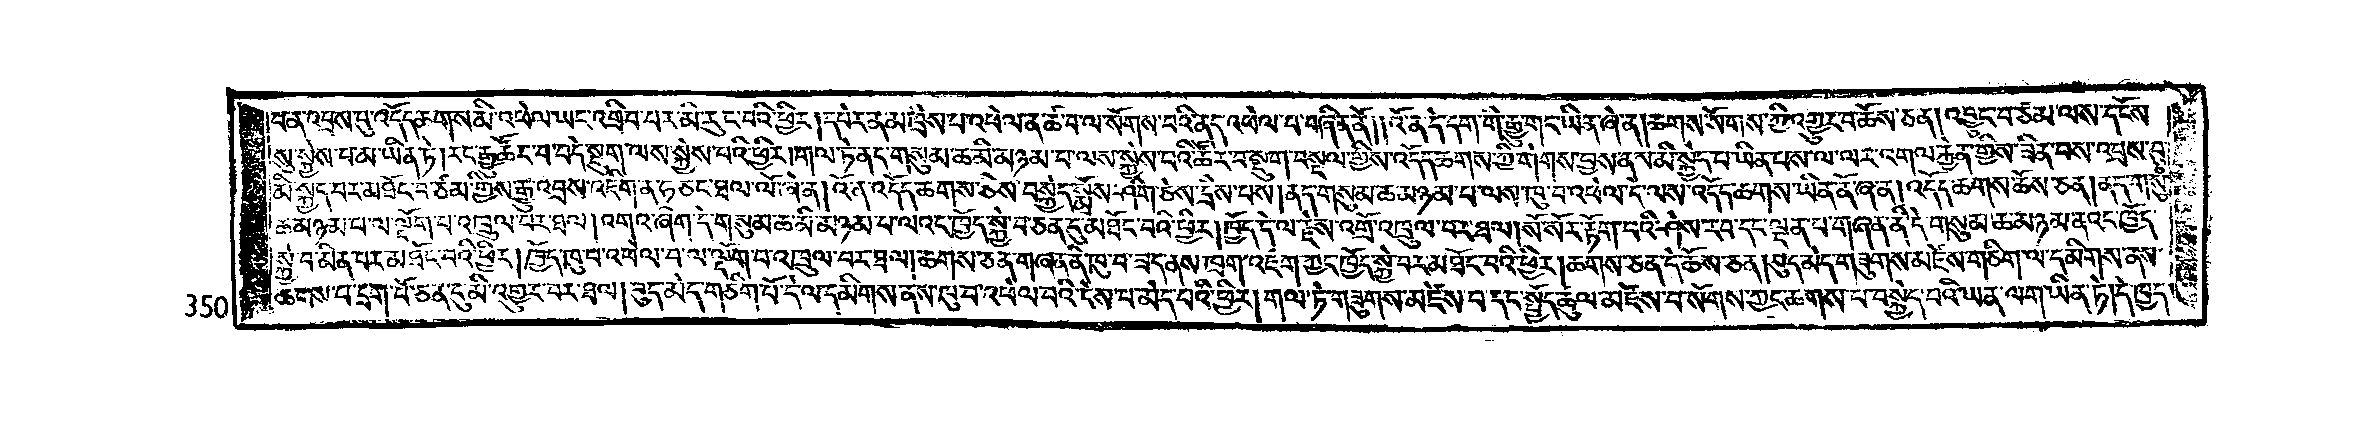པ་ན་འབྲས་བུ་འདོད་ཆགས་མི་འཕེལ་ཡང་འགྲིབ་པར་མི་རུང་བའི་ཕྱིར། དཔེར་ན་མཁྲིས་པ་འཕེལ་ན་ཚ་བ་ལ་སོགས་པའི་ནད་འཕེལ་བ་བཞིན་ནོ། །འོ་ན་དེ་དག་གི་རྒྱུ་གང་ཡིན་ཞེ་ན། ཆགས་སོགས་ཀྱི་འགྱུར་བ་ཆོས་ཅན། འབྱུང་བ་ཙམ་ལས་དངོས་
སུ་སྐྱེས་དེ་མ་ཡིན་ཏེ། རང་རྒྱུ་ཚོར་བ་བདེ་སྡུག་ལས་སྐྱེས་པའི་ཕྱིར། གལ་ཏེ་ནད་གསུམ་ཆ་མི་མཉམ་པ་ལས་སྐྱེས་པའི་ཚོར་བ་སྡུག་བསྔལ་གྱིས་འདོད་ཆགས་ཀྱི་གེགས་བྱས་ནས་མི་སྐྱེད་པ་ཡིན་པས་ལ་ལར་འགལ་རྐྱེན་གྱིས་ཟིན་པས་འབྲས་བུ་
མི་སྐྱད་པར་མཐོང་བ་ཙམ་གྱིས་རྒྱུ་འབྲས་འཇིག་ན་ཧ་ཅང་ཐལ་ལོ་ཞེ་ན། འོ་ན་འདོད་ཆགས་ཅེས་བསྐྱེད་སྨྲོས་ཤིག་ཅེས་དྲིས་པས། ནད་གསུམ་ཆ་མཉམ་པ་ལས་ཁུ་བ་འཕེལ་དེ་ལས་འདོད་ཆགས་ཡིན་ནོ་ཞེ་ན། འདོད་ཆགས་ཆོས་ཅན། ནད་{གསུཾ}
ཆ་མཉམ་པ་ལ་ལྡོག་པ་འཁྲུལ་པར་ཐལ། འགའ་ཞིག་དེ་གསུམ་ཆ་མི་མཉམ་པ་ལའང་ཁྱོད་སྐྱེ་བ་ཅན་དུ་མཐོང་བའི་ཕྱིར། ཁྱོད་དེ་ལ་རྗེས་འགྲོ་འཁྲུལ་བར་ཐལ། སོ་སོར་རྟོག་པའི་ཤེས་རབ་དང་ལྡན་པ་གཞན་ནི་དེ་གསུམ་ཆ་མཉམ་ནའང་ཁྱོད་
སྐྱེ་བ་མིན་པར་མཐོང་བའི་ཕྱིར། ཁྱོད་ཁུ་བ་འཕེལ་བ་ལ་ལྡོག་པ་འཁྲུལ་བར་ཐལ། ཆགས་ཅན་གཞན་ནི་ཁུ་བ་ཟད་ནས་ཁྲག་འཛག་ཀྱང་ཁྱོད་སྐྱེ་བར་མཐོང་བའི་ཕྱིར། ཆགས་ཅན་དེ་ཆོས་ཅན། བུད་མེད་གཟུགས་མཛེས་གཅིག་ལ་དམིགས་ནས་
ཚོགས་པ་དྲག་པོ་ཅན་དུ་མི་འགྱུར་བར་ཐལ། བུད་མེད་གཅིག་པོ་དེ་ལ་དམིགས་ནས་ཁུ་བ་འཕེལ་བའི་ངེས་པ་མེད་པའི་ཕྱིར། གལ་ཏེ་གཟུགས་མཛེས་པ་དང་སྤྱོད་ཚུལ་མཛེས་པ་སོགས་ཀྱང་ཆགས་པ་བསྐྱེད་པའི་ཡན་ལག་ཡིན་ཏེ། དེ་ཁྱད་